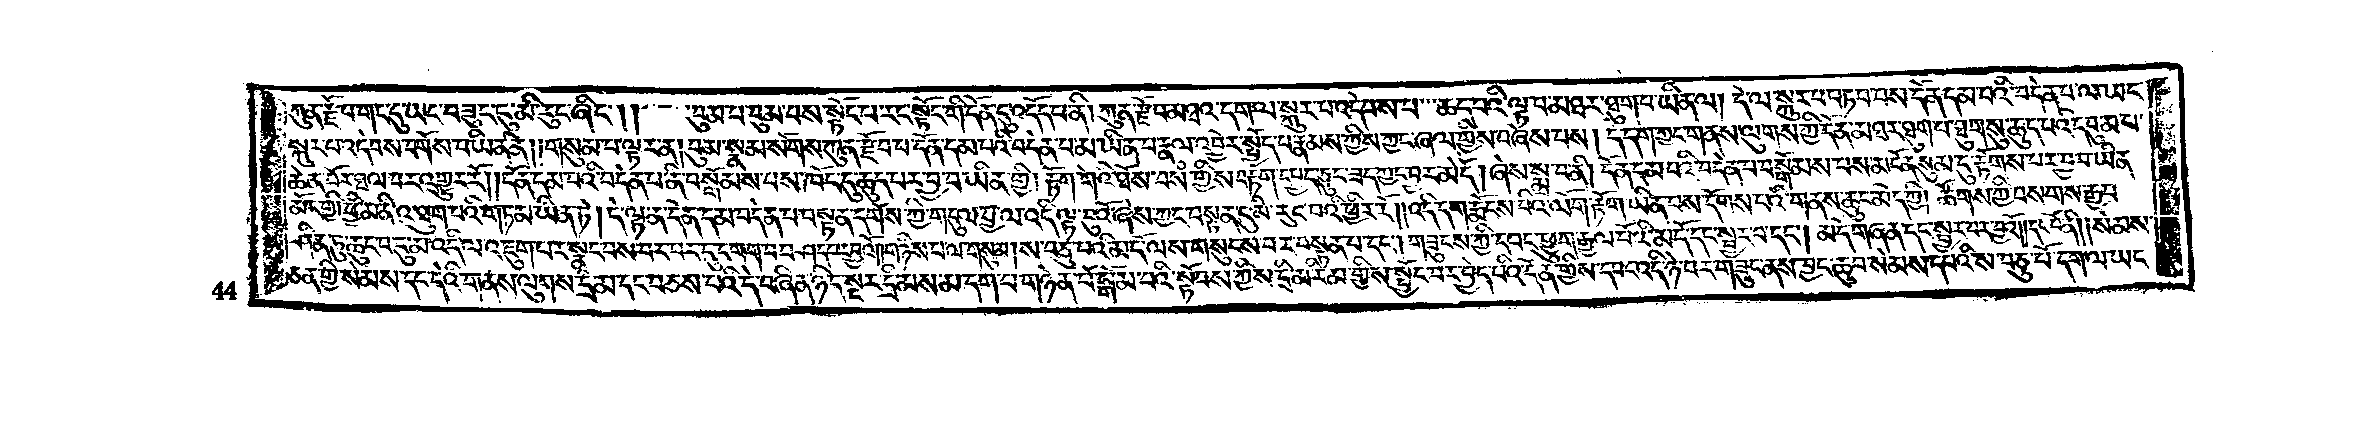ཀུན་རྫོབ་གང་དུ་ཡང་བཟུང་དུ་མི་རུང་ཞིང་། །བུམ་པ་བུམ་པས་སྟོང་བ་རང་སྟོང་གི་དོན་དུ་འདོད་པ་ནི། ཀུན་རྫོབ་མཐའ་དག་ལ་སྐུར་བ་འདེབས་པ་ཆད་པའི་ལྟ་བ་མཐར་ཐུག་པ་ཡིན་ལ། དེ་ལ་སྐུར་བ་བཏབ་པས་དོན་དམ་པའི་བདེན་པ་ལ་ཡང་
སྐུར་བ་འདེབས་དགོས་པ་ཡིན་ནོ། །གསུམ་པ་ལྟར་ན། བུམ་སྣམ་སོགས་ཀུན་རྫོབ་པ་དོན་དམ་པའི་བདེན་པ་མ་ཡིན་པ་རྣལ་འབྱོར་སྤྱོད་པ་རྣམས་ཀྱིས་ཀྱང་ཞལ་གྱིས་བཞེས་པས། དེ་དག་ཀྱང་གནས་ལུགས་ཀྱི་དོན་མཐར་ཐུག་པ་ཐུགས་སུ་ཆུད་པའི་དབུ་མ་པ་
ཆེན་པོར་ཐལ་བར་འགྱུར་རོ། །དོན་དམ་པའི་བདེན་པ་ནི་བསྒོམས་པས་ཁོང་དུ་ཆུད་པར་བྱ་བ་ཡིན་གྱི་།རྟོག་གེའི་ཐོས་བསམ་གྱིས་བརྟག་དཔྱད་ཅུང་ཟད་ཀྱང་བྱར་མེད་དོ། །ཞེས་སྨྲ་བ་ནི། དོན་དམ་པའི་བདེན་པ་བསྒོམས་པས་མངོན་སུམ་དུ་རྟོགས་པར་བྱ་བ་ཡིན་
མོང་གྱི། ཕྱི་མ་ནི་འུ?་ཐུག་པའི་གཏམ་ཡིན་ཏེ། དེ་ལྟ་ན་དོན་དམ་བདེན་པ་བསྟན་དོགས་ཀྱི་གདུལ་བྱ་ལ་འདི་ལྟ་བུའོ་ཞེས་ཀྱང་བསྟན་དུ་མི་རུང་བའི་ཕྱིར་རོ། །འདི་དག་རྨོངས་པའི་ལོག་རྟོག་ཡིན་པས་དོགས་པའི་གནས་ཆུང་མེད་ཀྱི། ཚོགས་ཀྱི་བསགས་རྒྱབ་
ཤིན་ཏུ་ཆུང་བ་དུ་མ་འདི་ལ་འཇུག་པར་སྣང་བས་བར་བར་དུ་དགག་པ་བཤད་པར་བྱའོ། །གཉིས་པ་ལ་གསུམ། ས་བཅུ་པའི་མདོ་ལས་གསུངས་པར་བསྟན་པ་དང་། གཟུངས་ཀྱི་དབང་ཕྱུག་རྒྱལ་པོའི་མདོ་དང་སྦྱར་བ་དང་། མདོ་གཞན་དང་སྦྱར་བར་བྱའོ། །དང་པོ་ནི། །སེམས་
ཅན་གྱི་སེམས་དང་དེའི་གནས་ལུགས་དྲི་མ་དང་བཅས་པའི་དེ་བཞིན་ཉིད་སྔར་དྲི་མས་མ་དག་པ་གཉེན་པོ་སྒོམ་པའི་སྟོབས་ཀྱིས་དྲི་མ་རིམ་གྱིས་སྦྱོང་བར་བྱེད་པའི་དོན་གྱིས་དབང་འདི་ཉེ་བར་གཟུང་ནས་བྱང་ཆུབ་སེམས་དཔའི་ས་བཅུ་པོ་དག་ལ་ཡང་